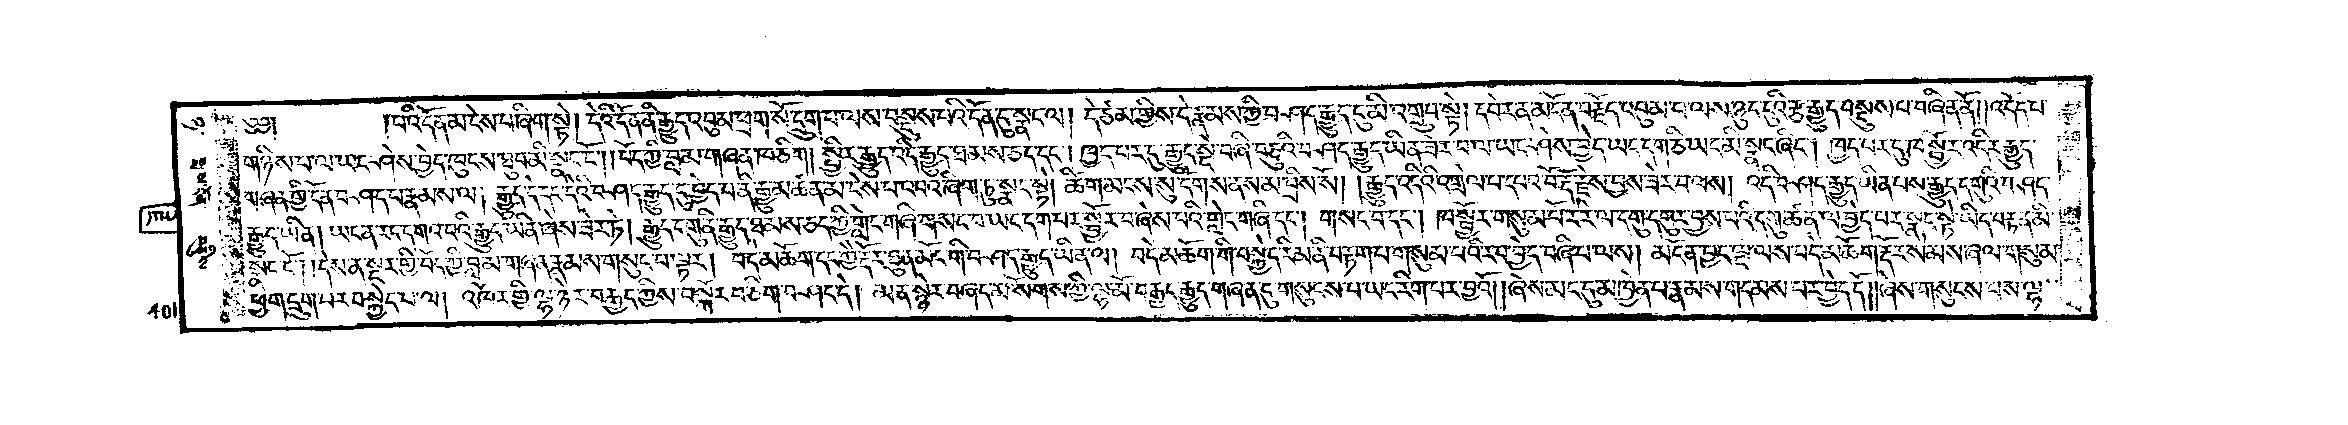༄༅། །པའི་དོན་མ་ངེས་པ་ཞིག་སྟེ། དེའི་དོན་ནི་རྒྱུད་འབུམ་ཕྲག་སོ་དྲུག་པ་ལས་བསྡུས་པའི་དོན་དུ་སྣང་ལ། དེ་ཙམ་གྱིས་དེ་རྣམས་ཀྱི་བཤད་རྒྱུད་དུ་མི་འགྲུབ་སྟེ། དཔེར་ན་མངོན་བརྗོད་འབུམ་པ་ལས་ཉུང་ངུའི་རྩ་རྒྱུད་བསྡུས་པ་བཞིན་ནོ། །འདོད་པ་
གཉིས་པ་ལ་ཡང་ཤེས་བྱེད་ཁུངས་ཐུབ་མི་སྣང་ངོ། །བོད་ཀྱི་བླ་མ་གཞན་ཁ་ཅིག །སྤྱིར་རྒྱུད་འདི་རྒྱུད་ཐམས་ཅད་དང་། ཁྱད་པར་དུ་རྒྱུད་སྡེ་བཞི་བཅུའི་བཤད་རྒྱུད་ཡིན་ཟེར་བ་ལ་ཡང་ཤེས་བྱེད་ཡང་དག་ཅི་ཡང་མི་སྣང་ཞིང་། ཁྱད་པར་དུ་ཁ་སྦྱོར་འདིར་རྒྱུད་
གཞན་གྱི་དོན་བཤད་པ་རྣམས་ལ། རྒྱུད་དེ་དང་དེའི་བཤད་རྒྱུད་དུ་བྱེད་པ་ནི་རྒྱུ་མཚན་མ་ངེས་པ་འབའ་ཞིག་ཏུ་སྣང་སྟེ། ཚིག་མངས་སུ་དོགས་ནས་མ་བྲིས་སོ། །རྒྱུད་འདིའི་འགྲེལ་པ་དཔའ་བོ་རྡོ་རྗེས་བྱས་ཟེར་བ་ལས། འདི་བཤད་རྒྱུད་ཡིན་པས་རྒྱུད་དགུའི་བཤད་
རྒྱུད་ཡིན། ཡང་ན་རང་དགའ་བའི་རྒྱུད་ཡིན་ཞེས་ཟེར་ཏེ། རྒྱུད་དགུ་ནི་རྒྱུད་ཐམས་ཅད་ཀྱི་གླེང་གཞི་གསང་བ་ཡང་དག་པར་སྦྱོར་བ་ཞེས་པའི་གླེང་གཞི་དང་། གསང་བ་དང་། ཁ་སྦྱོར་གསུམ་པོ་རེ་རེ་ལ་དགུ་དགུར་བྱས་པའི་དགུ་ཚན་ལ་བྱེད་པར་སྣང་སྟེ་ཡིད་བརྟན་མི་
སྣང་ངོ། །དེས་ན་སྔར་གྱི་བོད་ཀྱི་བླ་མ་གཞན་རྣམས་གསུང་བ་ལྟར། བདེ་མཆོག་དང་ཀྱཻ་རྡོར་ཐུན་མོང་གི་བཤད་རྒྱུད་ཡིན་ལ། བདེ་མཆོག་གི་བསྐྱེད་རིམ་ནི་བརྟག་པ་གསུམ་པའི་རབ་བྱེད་བཞི་པ་ལས། མངོན་བྱང་ལྔ་ལས་བདེ་མཆོག་རྡོར་སེམས་ཞལ་གསུམ་
ཕྱག་དྲུག་པར་བསྐྱེད་པ་ལ། འཁོར་གྱི་ལྷ་ཉེར་བརྒྱད་ཀྱིས་བསྐོར་བ་ཅིག་བཤད་དེ། མན་སྙེར་བཞད་མ་སོགས་ཀྱི་ལྷ་མོ་བརྒྱད་རྒྱུད་གཞན་དུ་གསུངས་པ་ཡང་རིག་པར་བྱའོ། །ཞེས་མང་དུ་མཁྱེན་པ་རྣམས་གདམས་པར་བྱེད་དོ། །ཞེས་གསུངས་པས་ལྷ་